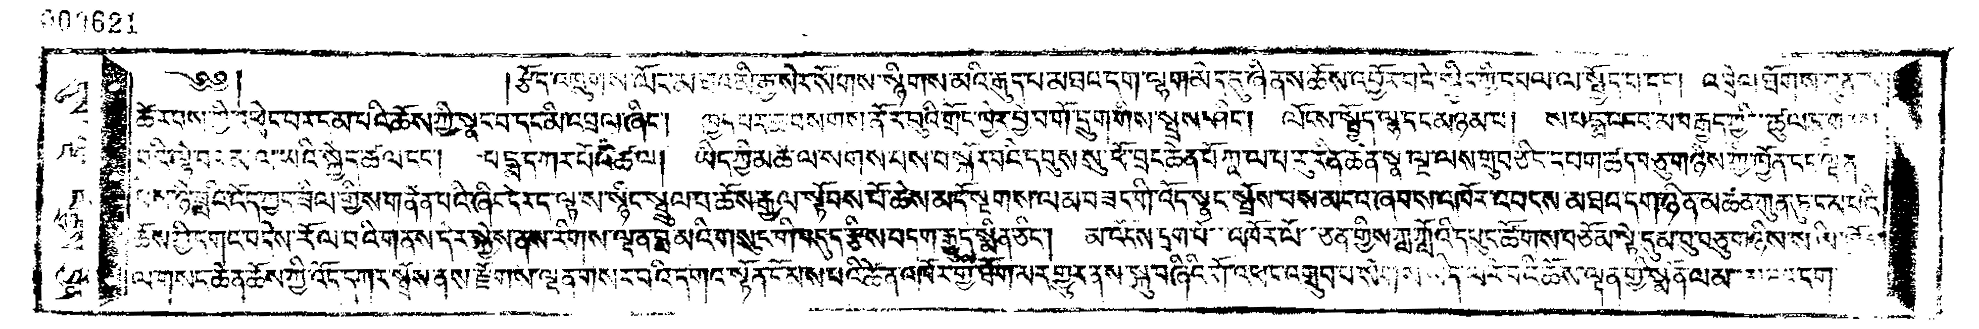༄༅། །རྩོད་འཁྲུགས་ལོང་མཐའ་མི་རྒྱ་སེར་སོགས་སྙིགས་མའི་རྒུད་པ་མཐའ་དག་ལྷག་མེད་དུ་ཞི་ནས་ཆོས་འབྱོར་བདེ་སྐྱིད་ཀྱི་དཔལ་ལ་སྤྱོད་པ་དང་། འབྲེལ་ཐོགས་ཀུན་ཀྱང་
ཚེ་རབས་ཀྱི་འཕྲེང་བར་དམ་པའི་ཆོས་ཀྱི་སྣང་བ་དང་མི་འབྲལ་ཞིང་། ཁྱད་པར་ཆ་བསགས་ནོར་བུའི་གྲོང་ཁྱེར་བྱེ་བ་གོ་དྲུག་གིས་སྤྲས་ཤིང་། ལོངས་སྤྱོད་ལྷ་དང་མཉམ་པ། ས་པདམ་འདབ་མ་བརྒྱད་ཀྱི་ཚུལ་དུ་གནས་
བའི་ལྟེ་བར་མ་ལ་ཡའི་སྐྱེད་ཚལ་དང་། པདམ་དཀར་པོའི་ཚལ། ཡིད་ཀྱི་མཚོ་ལ་སོགས་པས་བསྐོར་བའི་དབུས་སུ་ཕོ་བྲང་ཆེན་པོ་ཀཱ་ལ་པ་རུ་རིན་ཆེན་སྣ་ལྔ་ལས་གྲུབ་ཅིང་དཔག་ཚད་བཅུ་གཉིས་ཀྱི་ཁྱོན་དང་ལྡན་
པས་ཉི་ཟླའི་འོད་ཀྱང་ཟིལ་གྱིས་གནོན་པའི་ཞིང་དེར་ད་ལྟ་ས་སྙིང་སྤྲུལ་པ་ཆོས་རྒྱལ་སྟོབས་པོ་ཆེས་མདོ་སྔགས་ལམ་བཟང་གི་འོད་སྣང་སྤྲོས་པས་མངའ་ཞབས་འཁོར་འབངས་མཐའ་དག་ཉིན་མཚན་ཀུན་ཏུ་དམ་པའི་
ཆོས་ཀྱི་དགའ་བདེས་རོལ་བའི་གནས་དེར་སྐྱེས་ནས་རིགས་ལྡན་བླ་མའི་གསུང་གི་བདུད་རྩིས་བདག་རྒྱུད་སྨིན་ཅིང་། མ་འོངས་དྲག་པོ་འཁོར་ལོ་ཅན་གྱིས་ཀླ་ཀློའི་དཔུང་ཚོགས་བཅོམ་སྟེ་དུམ་བུ་བཅུ་གཉིས་ས་ཡི་ཁྱོན་
ལ་གསང་ཆེན་ཆོས་ཀྱི་འོད་དཀར་སྤྲོས་ནས་རྫོགས་ལྡན་གསར་བའི་དགའ་སྟོན་ངོམས་པའི་ཚེ་ན་འཁོར་གྱི་ཐོག་མར་གྱུར་ནས་སྐུ་བཞིའི་གོ་འཕང་འགྲུབ་པ་སོགས་ཡིད་ལ་རེ་བའི་ཆོས་ལྡན་གྱི་སྨོན་ལམ་མཐའ་དག་